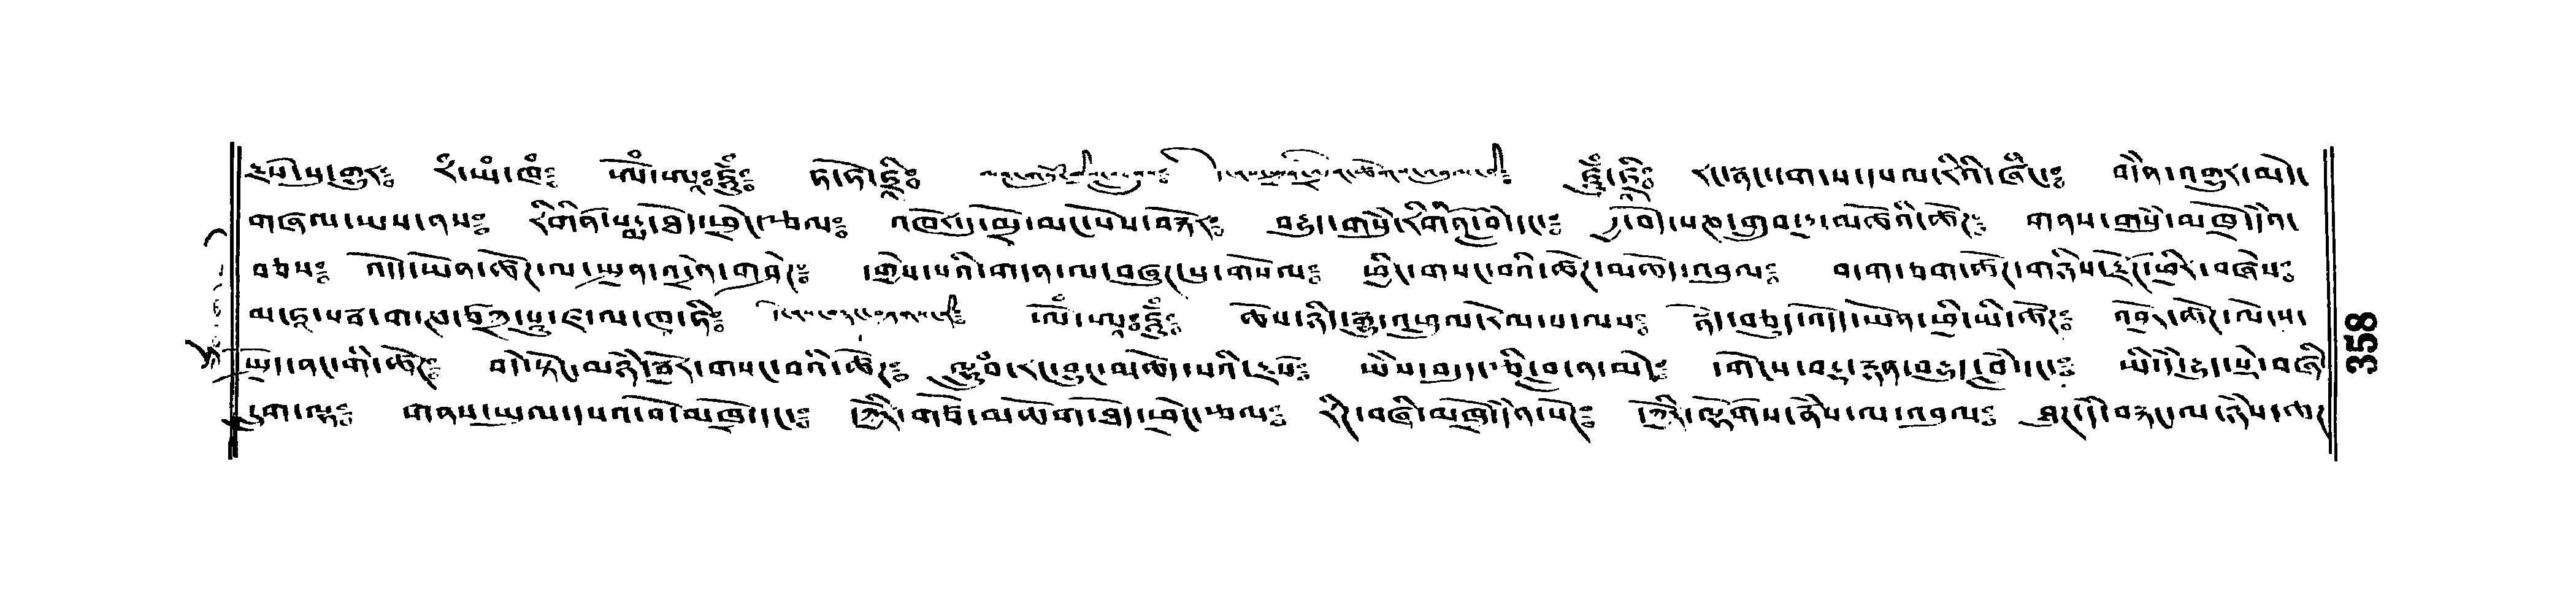རྫས་སུ་གྱུར༔ རཾ་ཡཾ་ཁཾ༔ ཨོཾ་ཨཱཿཧཱུྃ༔ ཧ་ཧོ་ཧྲཱིཿ ལན་གསུམ་གྱིས་བརླབས༔ དེ་ནས་སྤྱན་འདྲེན་ཚོགས་འབུལ་ནི༔ ཧཱུྃ་ཧྲཱིཿ རང་སྣང་དག་པ་དཔལ་རིའི་ཞིང༔ བདེ་ཆེན་འགྱུར་མེད་
གཞལ་ཡས་ནས༔ རིག་འཛིན་པདྨ་ཐོད་ཕྲེང་རྩལ༔ འཁོར་དུ་མཁའ་འགྲོ་མང་པོས་བསྐོར༔ བརྒྱུད་གསུམ་རིག་འཛིན་བླ་མ་དང༔ རྒྱ་བོད་པཎ་གྲུབ་རྒྱ་མཚོའི་ཚོགས༔ གནས་གསུམ་མཁའ་འགྲོ་དམ་ཅན་
བཅས༔ འདོད་ཡོན་ཚོགས་ལ་སྤྱན་འདྲེན་གཤེགས༔ དགྱེས་པའི་གདན་ལ་བཞུགས་སུ་གསོལ༔ ཕྱི་ནང་གསང་བའི་ཚོགས་མཆོད་འབུལ༔ བདག་ཅག་ཚོགས་གཉིས་རྫོགས་ཕྱིར་བཞེས༔ 
མ་ཧཱ་སརྦ་ག་ཎ་ཙཀྲ་པཱུ་ཛ་ལ་ཁཱ་ཧི༔ དེ་ནས་བསྐང་བཤགས་ནི༔ ཨོཾ་ཨཱཿཧཱུྃ༔ ཆོས་ཉིད་སྒྱུ་འཕྲུལ་རོལ་པ་ལས༔ སྣོད་བཅུད་འདོད་ཡོན་ཕྱི་ཡི་ཚོགས༔ འབྱོར་ཚོགས་ལོངས་
སྤྱོད་ནང་གི་ཚོགས༔ བདེ་སྟོང་མཉམ་སྦྱོར་གསང་བའི་ཚོགས༔ ལྷུན་གྲུབ་རང་བྱུང་མཆོད་པའི་རྫས༔ ཡེ་ཤེས་བདུད་རྩི་བླ་ན་མེད༔ དགོངས་བརྡ་སྙན་བརྒྱུད་བླ་མ་དང༔ ཡི་དམ་རྒྱུད་སྡེ་བཞི་
དྲུག་ལྷ༔ གནས་ཡུལ་དཔའ་བོ་མཁའ་འགྲོ་དང༔ དཀྱིལ་འཁོར་གཙོ་མཆོག་ཐོད་ཕྲེང་རྩལ༔ རིགས་བཞི་མཁའ་འགྲོ་དམ་ཅན་སོགས༔ དཀྱིལ་འཁོར་ལྷ་ཚོགས་རྣམས་ལ་འབུལ༔ ཐུགས་དམ་བསྐང་ལ་ཉམས་ཆགས་